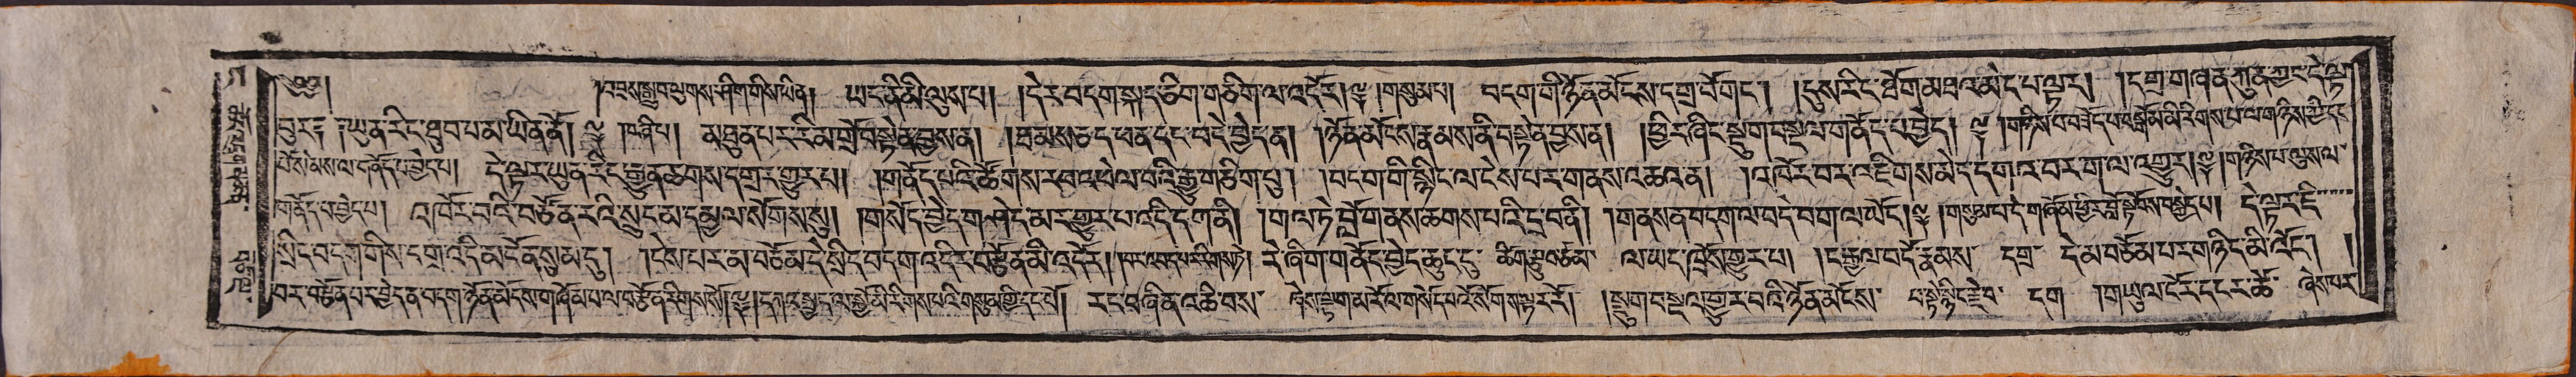༄༅། འབྲས་སྒྲུབ་ལུགས་ཤིག་གིས་ཡིན།  ཡང་ནི་མི་ལུས་པ། དེར་དག་སྐད་ཅིག་གཅིག་ལ་འདོར། ༈ །གསུམ་པ།  བདག་གི་ཉོན་མོངས་དགྲ་བོ་གང་། །དཀུས་རིང་ཐོག་མཐའ་མེད་པ་ལྟར། །དགྲ་གཞན་ཀུན་ཀྱང་དེ་ལྟ་
བུར༑ ༑ཡུན་རིང་ཐུབ་པ་མ་ཡིན་ནོ། ༈ །བཞི་པ།  མཐུན་པར་རིམ་འགྲོ་བསྟེན་བྱས་ན། །ཐམས་ཅད་ཕན་དང་བདེ་བྱེད་ན། །ཉོན་མོངས་རྣམས་ནི་བསྟེན་བྱས་ན། །ཕྱིར་ཞིང་སྡུག་བསྔལ་གནོད་པ་བྱེད། ༈ །གཉིས་པ་བཟོད་པ་བསྒོམ་མི་རིགས་པ་ལ་གཉིས་ཀྱི་དང་
པོ་སེམས་ལ་གནོད་པ་བྱེད་པ། དེ་ལྟར་ཡུན་རིང་རྒྱུན་ཆགས་དགྲར་གྱུར་པ། །གནོད་པའི་ཚོགས་རབ་འཕེལ་བའི་རྒྱུ་གཅིག་པུ། །བདག་གི་སྙིང་ལ་ངེས་པར་གནས་འཆའ་ན། །འཁོར་བར་འཇིགས་མེད་དགའ་བར་ག་ལ་འགྱུར། ༈ །གཉིས་པ་ལུས་ལ་
གནོད་པ་བྱེད་པ། འཁོར་བའི་བཙོན་རའི་སྲུང་མ་དམྱལ་སོགས་སུ། །གསོད་བྱེད་གཤེད་མར་གྱུར་པ་འདི་དག་ནི། །གལ་ཏེ་བློ་གནས་ཆགས་པའི་དྲ་བ་ནི། །གནས་ན་བདག་ལ་བདེ་པ་ག་ལ་ཡོད། ༈ །གསུམ་པ་དེ་གཞོམ་ཕྱིར་བློ་སྟོབས་བསྐྱེད་པ།  དེ་ལྟར་ཇི་
སྲིད་བདག་གིས་དགྲ་འདི་མངོན་སུམ་དུ། །ངེས་པར་མ་བཅོམ་དེ་སྲིད་བདག་འདིར་བརྩོན་མི་འདོར། བར་འབད་བར་རིགས་ཏེ།  རེ་ཞིག་གནོད་བྱེད་ཆུང་ངུ་ཚིག་རྩུབ་ཙམ་ལ་ཡང་ཁྲོས་གྱུར་པ། །ང་རྒྱལ་བདོ་རྣམས་དགྲ་དེ་མ་བཅོམ་པར་གཉིད་མི་འོང་། །
བར་བརྩོན་པར་བྱེད་ན་བདག་ཉོན་མོངས་གཞོམ་པ་ལ་བརྩོན་རིགས་སོ། ༈ །དཀའ་སྤྱད་ལ་སྐྱོ་མི་རིགས་པའི་གསུམ་གྱི་དང་པོ།  རང་བཞིན་འཆི་བསཞེས་ལྷག་མ་རོ་ལ་གསོད་བའོ་སོགས་ལྷར་རོ།  །སྡུག་བསྔལ་གྱུར་བའི་ཉོན་མོངས་བ་སྟེ་སྙིང་རྗེ་བ་དག །གཡུལ་ངོར་དངར་ཚེ་ཞེས་པར་